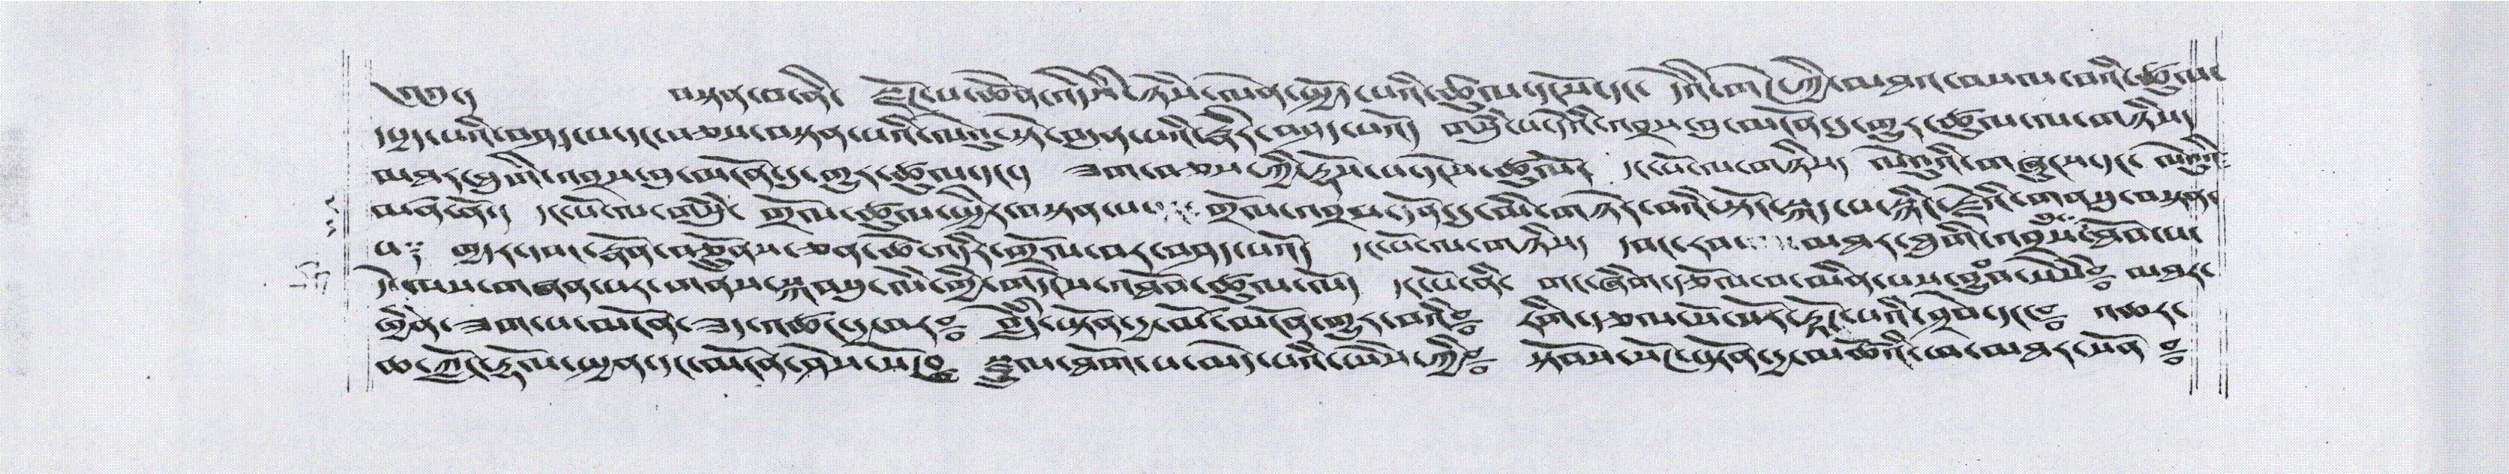བསྟན་པ་ནི། རྫོགས་པ་ཆེན་པོ་འདིའི་ཉམས་ལེན་སྤྱོད་པའི་ཚུལ་དངོས་དང་། དེའི་གེགས་ཀྱི་མཐའ་བསལ་བའི་ཚུལ། 
དཔྱད་པའི་བཤད་པ་དང་བཅས་བསྟན་པའི་ལེའུ་སྟེ་བདུན་པའི་རྣམ་པར་བཤད་པའོ། གསུམ་པ་དེའི་འབྲས་བུ་མངོན་དུ་གྱུར་ཚུལ་ལ་གཉིས། 
མཐར་ཐུག་གི་འབྲས་བ་མངོན་དུ་གྱུར་ཚུལ་དང་། ཟག་བཅས་ཀྱི་རྡོས་པ་དེངས་ཚུལ་ལོ། དང་པོ་ལ་གཉིས། ལེའུའི་གཞུང་དང་། ལེའུའི་
མཚན་ནོ། དང་པོ་ལ་གསུམ། གྲོལ་ཚུལ་སྤྱིར་བསྟན་པ་དང་། གྲོལ་འབྲས་དོན་དུ་མི་གཉེར་བའི་སྟོང་སྐད་པ་སྙིང་རྗེའི་གནས་སུ་བསྟན་
པ། ཁྱད་པར་དབང་རྣོན་བརྩོན་འགྲུས་ཅན་ཚེ་འདིར་གྲོལ་བར་བཤད་པའོ། དང་པོ་ལ་གཉིས། དབང་རབ་མཐར་ཐུག་གི་འབྲས་བུ་ཐོབ་པ་
དེ་ལས་གཞན་པར་གནས་སྐབས་སུ་ལམ་གྱི་གདེང་འཐོབ་ཚུལ་ལོ། དང་པོ་ནི། གང་ཞིག་རྩོལ་བ་མིན་པས་བྱང་ཆུབ་སེམསཿ མཐར་
ཕྱིན་ཟག་པ་མངོན་ཟད་འཚང་རྒྱ་བརཿ བླ་མེད་ཡོན་ཏན་རྒྱ་མཚོ་མངོན་གྱུར་པའི། རིག་རྩལ་སོ་སོར་རྟོགས་པའི་ཤེས་རབ་དངཿ འཆར་
ཆ་ཀློང་བརྡོལ་སྤྱན་དང་མངོན་ཤེས་སོགསཿ རྫུ་འཕྲུལ་ཐོགས་པ་མེད་པའི་ཡེ་ཤེས་ཀྱིཿ སྟོབས་སོགས་ཡོན་ཏན་རྒྱ་མཚོའི་ཕ་མཐར་སོནཿ